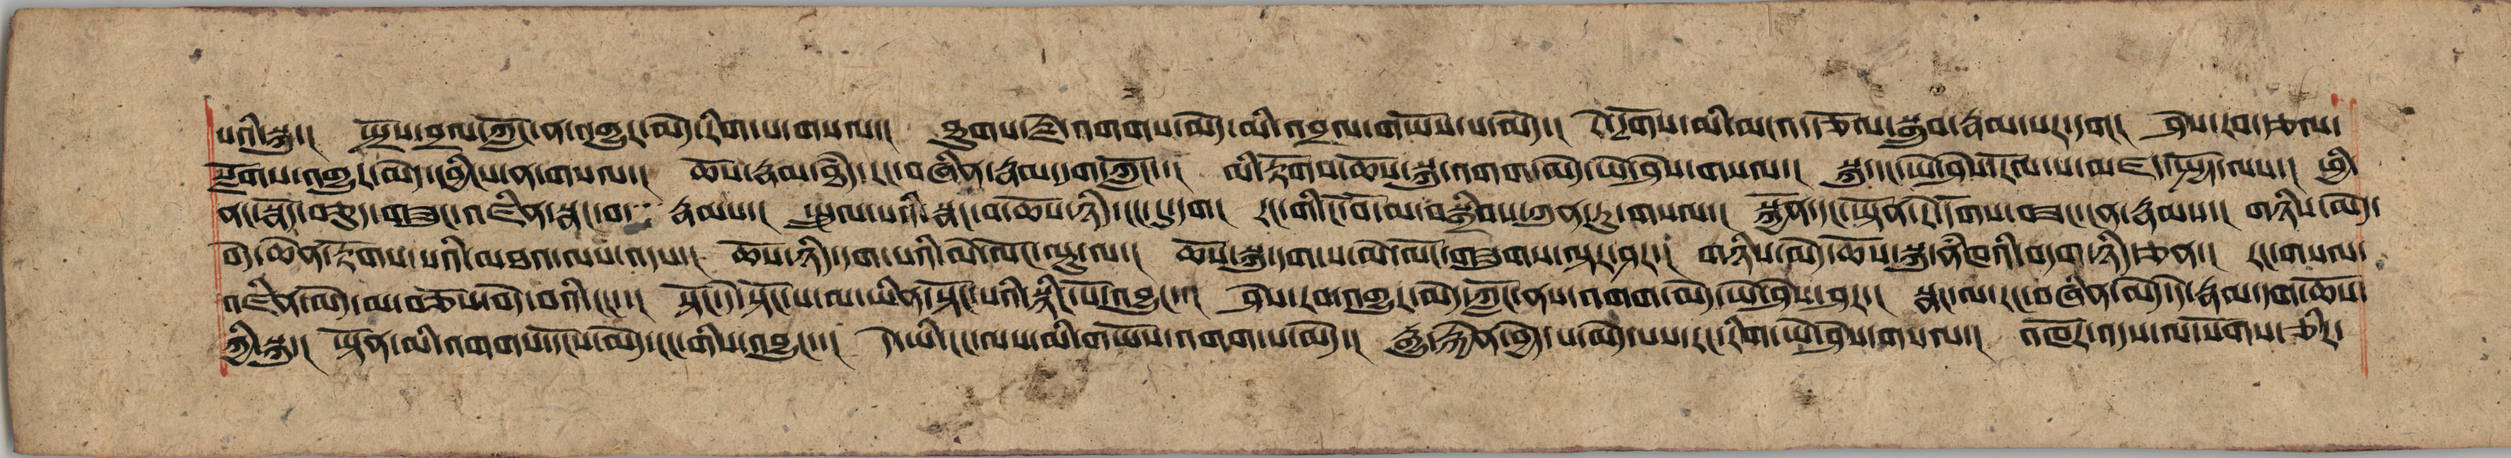པའི་སྐུ་། སྤྲོས་བྲལ་ཀློང་ན་འགྱུར་མེད་རིག་པ་གསལ་། ཐུགས་རྗེ་འགགས་མེད་མི་འབྲལ་གཡོས་པ་མེད་། རེ་དོགས་མི་མངའ་རྩོལ་སྒྲུབརྣམ་པར་དག། ཤེས་རབ་རྩལ་
སྫོགས་འགྱུར་མེད་དབྱིངས་ན་གསལ་། ཆོས་རྣམ་ཐཾད་རང་བཞིན་རྣམ་དག་ཀློང་་། མི་རྟོགས་ཆོས་སྐུ་འགག་མེད་ཡེ་ཤེས་གསལ་། སྐུ་དང་ཡེ་ཤེས་རོལ་པ་མཛད་སྤྱོད་ལས་། ཕྱི་
ནང་སྣོད་བཅུད་གཟུང་འཛིན་སྣང་བ་ རྣམས་། སྤྲུལ་པའི་སྣང་བ་ཆོས་ཉིད་ངང་དུ་དག། རང་གི་ངོ་བོ་མ་བསྒྲིབས་ཀུན་ཏུ་གསལ་། སྐྱོན་དང་ཡྟོན་རེ་དོགས་བཟང་ངན་རྣམས་། གཉིས་མེད་
བདེ་ཆེན་རྟོགས་པའི་མཐའ་ལས་འདས་། ཆོས་ཉིད་དག་པའི་མེ་ལོང་ལྟུ་ལ་། ཆོས་སྐུ་དག་པ་མེ་ལོང་གཟུགས་ལྟར་ཤར་། གཉིས་མེད་ཆོས་སྐུ་ནཾཁའི་བདག་ཉིད་ཅན་། རང་གསལ་
འཛིན་མེད་མ་བཅོས་བདེ་བའི་ངང་་། སྟོང་དེ་སྟོང་པ་མ་ཡིན་སྟོང་པའི་སྙིང་པོ་འབྱུང་་། ཤེས་རབ་འགྱུར་མེད་ཀློང་ནས་འགག་མེད་ཡེ་ཤེས་ཤར་། སྣང་ལ་རང་བཞིན་མེད་དེ་རྣམ་དག་ཆོས་
ཀྱི་སྐུ་། ཡྟོན་མི་འགགས་དངོས་མེད་ངང་གིས་འབྱུང་་། དེ་ཡི་ངང་ལས་མི་གཡོས་འགག་པ་མེད་། རྒྱུ་རྐྱེན་བྱེད་པ་མེད་པས་རང་རིག་ཡེ་ཤེས་གསལ་། འཁོར་འདས་ལ་སོགས་ཅིར་